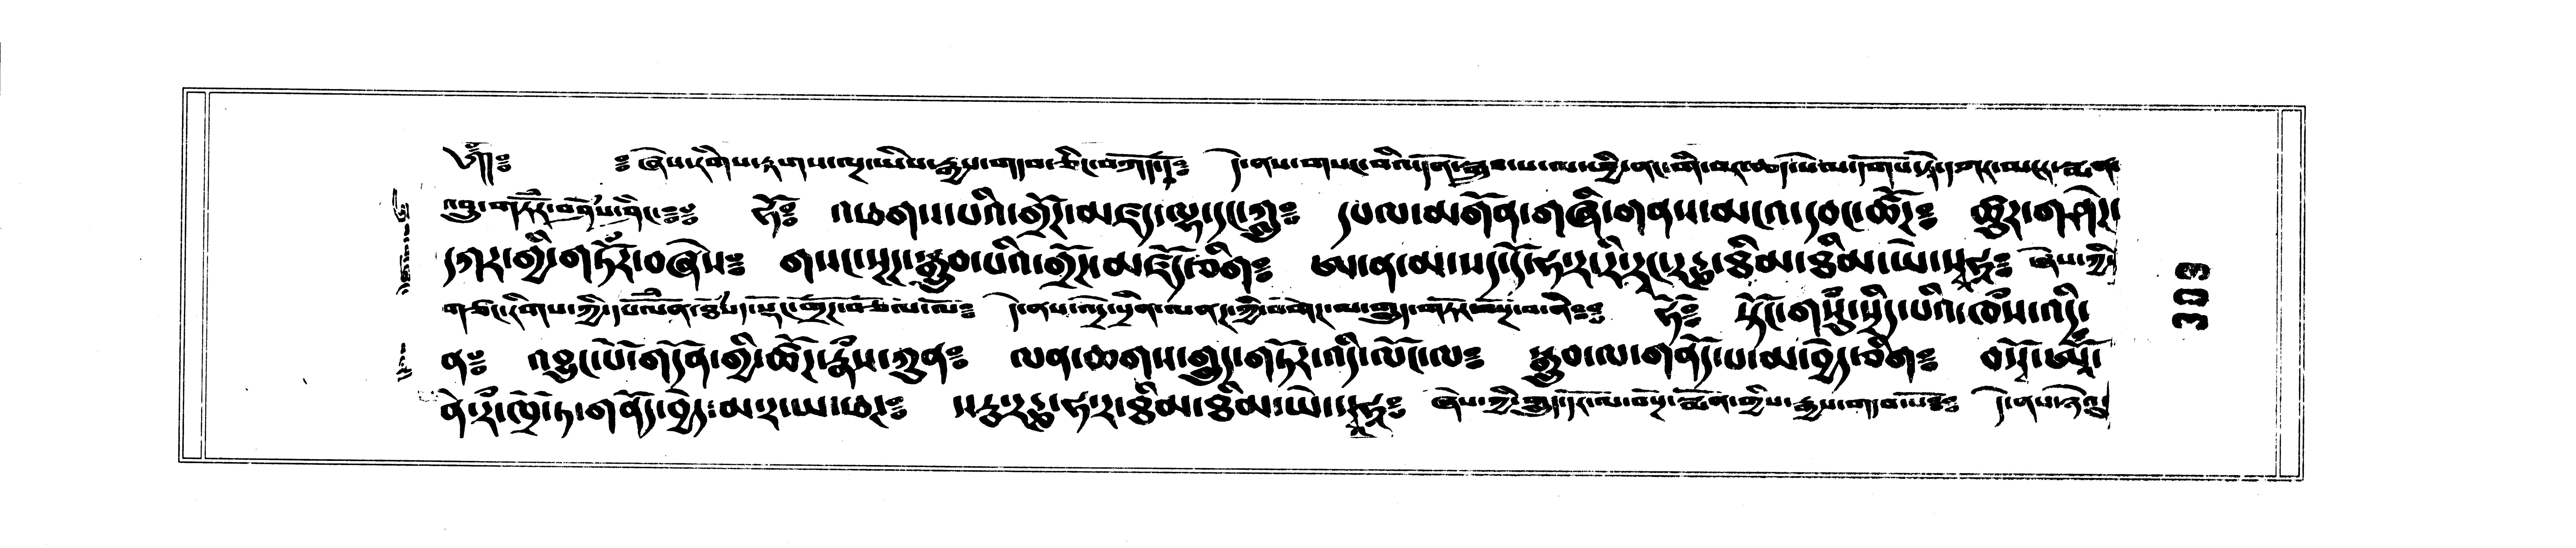ཞེས་རིགས་རྟགས་ལྔ་ཡིས་རྒྱས་གདབ་ཅིང་བཀོད་དོ༔ དེ་ནས་གསང་བའི་དོན་སྒྲུབ་པ་ལ་ཕྱི་ནང་གི་བར་ཆད་སེལ་དགོས་ཏེ་དཀར་མངར་སྨན་
འབྲུ་གཏོར་མ་བཤམས་ཤིང་༔༔ ཧོ༔ འཕགས་པའི་གྲོགས་མཛད་ལྷ་དང་ཀླུ༔ དཔལ་མགོན་གཞི་གནས་མངའ་དབང་ཚོགས༔ ཚུར་གཤེགས
་དཀར་གྱི་གཏོར་མ་བཞེས༔ གསང་སྔགས་སྒྲུབ་པའི་གྲོགས་མཛོད་ཅིག༔ ཨཱོྃ་ན་མ་སད་དོ་ཧ་ར་རི་རྭང་རདྞ་ཐིམ་ཐིམ་ཡེ་སྭཧཱ༔ ཞེས་ཀྱི་
གཙང་རིགས་ཀྱི་དཔལ་མགོན་ཐམས་ཅད་སྡོང་གྲོགས་བཅོལ་ལོ༔ དེ་ནས་འདྲེ་སྲིན་ལན་ཆགས་ཀྱི་བགེགས་ལ་གླུད་གཏོར་བསྔོ་བ་ནི༔༔ ཧོ༔ སྟོང་གསུམ་སྲིད་པའི་ཁམས་འདི་
ན༔ འབྱུང་པོ་གདོན་གྱི་ཚོགས་རྣམས་ཀུན༔ ལན་ཆགས་གླུད་གཏོར་འདི་ལོང་ལ༔ སྒྲུབ་ལ་གནོད་པ་མ་བྱེད་ཅིག༔ བསྭོ་ཨཱོཾ་
ནེ་རམ་ཁྲོ་ཏ་གནོད་བྱེད་མ་ར་ཡ་ཕཊ༔ སརྦ་རདྞ་ཧ་ར་ཐིམ་ཐིམ་ཡེ་སྭཱཧཱ༔ ཞེས་ཀྱི་གླུད་དོར་ལ་བསྔོ་སྨོན་གྱིས་རྒྱས་གདབ་བོ༔༔ དེ་ནས་ཉེའུ་